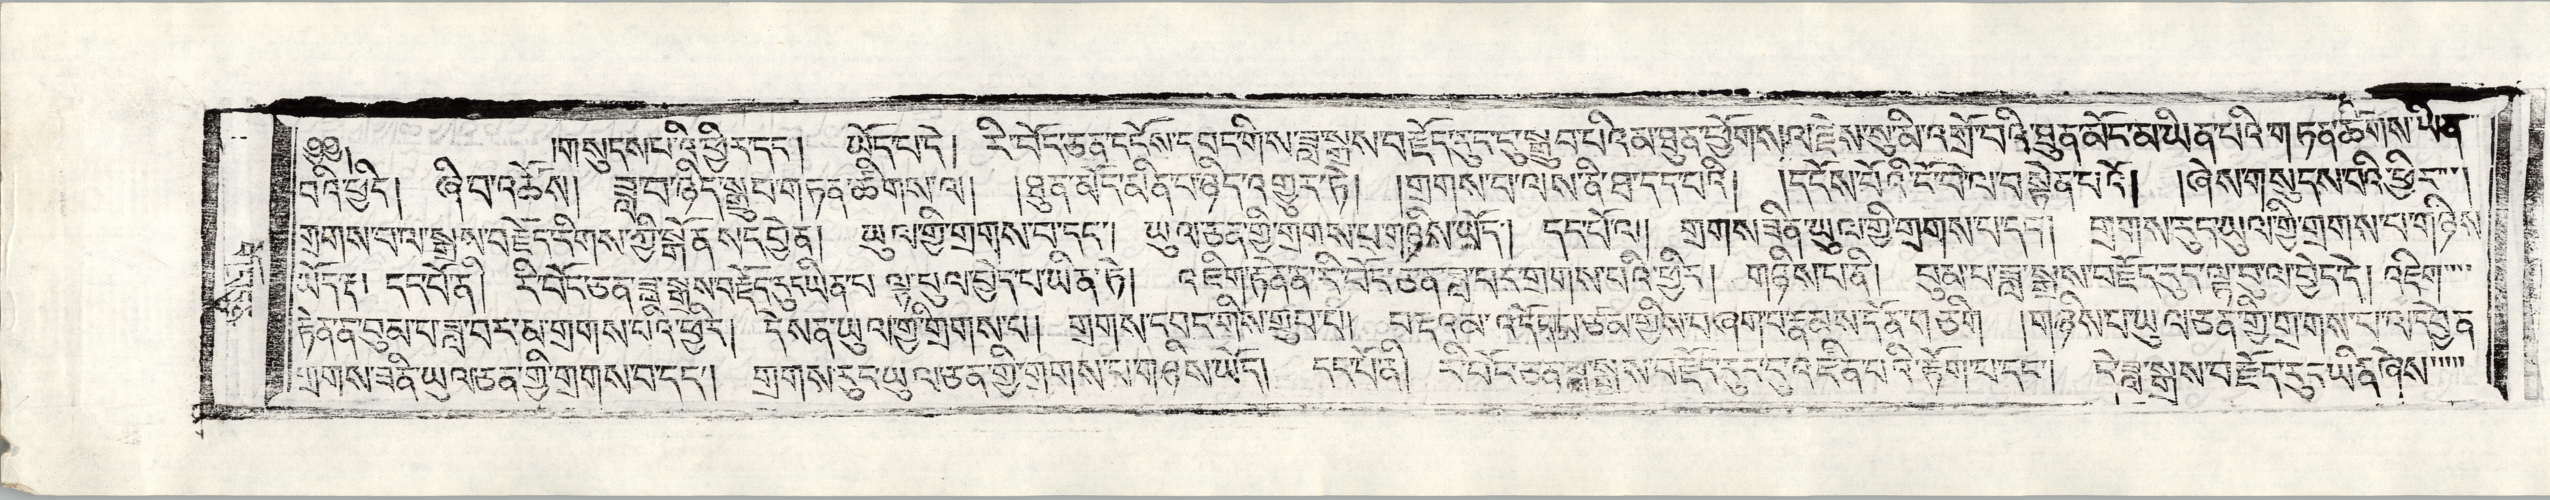༄༅། །གསུངས་པའི་ཕྱིར་དང་། ཡོད་པ་དེ། རི་བོང་ཅན་དངོས་དབང་གིས་ཟླ་སྒྲས་བརྗོད་རུང་དུ་སྒྲུབ་པའི་མཐུན་ཕྱོགས་ལ་རྗེས་སུ་མི་འགྲོ་བའི་ཐུན་མོང་མ་ཡིན་པའི་གཏན་ཚིགས་ཡིན་
པའི་ཕྱིར། ཞི་བ་འཚོས། ཟླ་བ་ཉིད་སྒྲུབ་གཏན་ཚིགས་ལ། །ཐུན་མོང་མིན་པ་ཉིད་འགྱུར་ཏེ། །གྲགས་པ་ལས་ནི་ཐ་དད་པའི། །དངོས་པོའི་ངོ་བོ་ལ་བསྟེན་པའོ། །ཞེས་གསུངས་པའི་ཕྱིར།
གྲགས་པ་ལ་སྒྲས་བརྗོད་རིགས་ཀྱི་སྒོ་ནས་དབྱེ་ན། ཡུལ་གྱི་གྲགས་པ་དང་། ཡུལ་ཅན་གྱི་གྲགས་པ་གཉིས་ཡོད། དང་པོ་ལ། གྲགས་ཟིན་ཡུལ་གྱི་གྲགས་པ་དང་། གྲགས་རུང་ཡུལ་གྱི་གྲགས་པ་གཉིས་
ཡོད། དང་པོ་ནི། རི་བོང་ཅན་ཟླ་སྒྲས་བརྗོད་རུང་ཡིན་པ་ལྟ་བུ་ལ་བྱེད་པ་ཡིན་ཏེ། འཇིག་རྟེན་ན་རི་བོང་ཅན་ཟླ་བར་གྲགས་པའི་ཕྱིར། གཉིས་པ་ནི། བུམ་པ་ཟླ་སྒྲས་བརྗོད་རུང་ལྟ་བུ་ལ་བྱེད་དེ། འཇིག་
རྟེན་ན་བུམ་པ་ཟླ་བར་མ་གྲགས་པའི་ཕྱིར། དེས་ན་ཡུལ་གྱི་གྲགས་པ། གྲགས་དབང་གིས་གྲུབ་པ། བརྡའམ་འདོད་པ་ཙམ་གྱིས་བཞག་པ་རྣམས་དོན་གཅིག །གཉིས་པ་ཡུལ་ཅན་གྱི་གྲགས་པ་ལ་དབྱེ་ན་
གྲགས་ཟིན་ཡུལ་ཅན་གྱི་གྲགས་པ་དང་། གྲགས་རུང་ཡུལ་ཅན་གྱི་གྲགས་པ་གཉིས་ཡོད། དང་པོ་ནི། རི་བོང་ཅན་ཟླ་སྒྲས་བརྗོད་རུང་དུ་འཛིན་པའི་རྟོག་པ་དང་། དེ་ཟླ་སྒྲས་བརྗོད་རུང་ཡིན་ཞེས་